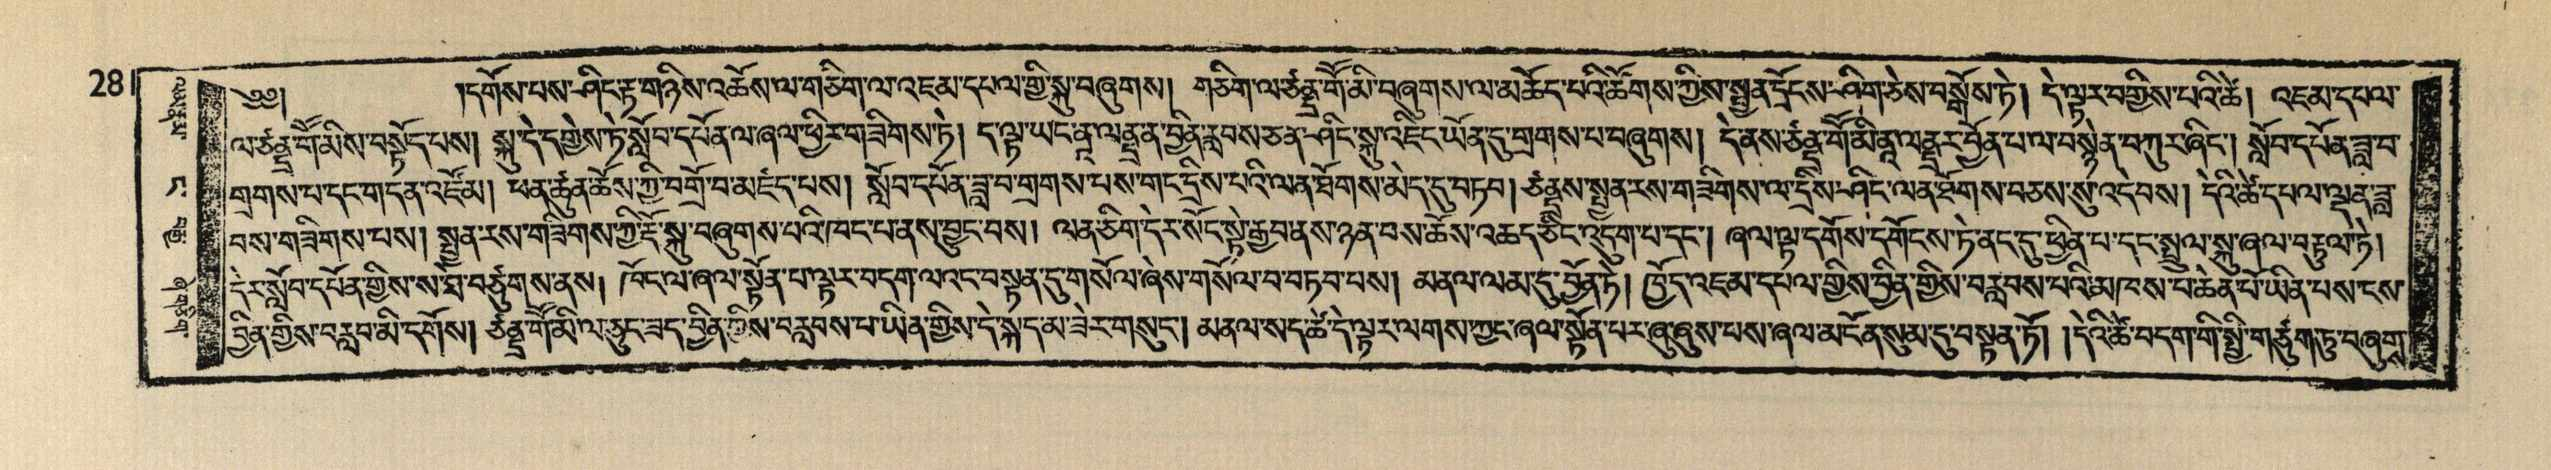༄༅། །དགོས་པས་ཤིང་རྟ་གཉིས་འཆོས་ལ་གཅིག་ལ་འཇམ་དཔལ་གྱི་སྐུ་བཞུགས། གཅིག་ལ་ཙནྡྲ་གཽ་མི་བཞུགས་ལ་མཆོད་པའི་ཚོགས་ཀྱིས་སྤྱན་དྲོངས་ཤིག་ཅེས་བསྒོས་ཏེ། དེ་ལྟར་བགྱིས་པའི་ཚེ། འཇམ་དཔལ་
ལ་ཙནྡྲ་གཽ་མིས་བསྟོད་པས། སྐུ་དེ་དགྱེས་ཏེ་སློབ་དཔོན་ལ་ཞལ་ཕྱིར་གཟིགས་ཏེ། ད་ལྟ་ཡང་ནཱ་ལནྡྲ་ན་བྱིན་རླབས་ཅན་ཤིང་སྐུ་འཇིང་ཡོན་དུ་གྲགས་པ་བཞུགས། དེ་ནས་ཙནྡྲ་གཽ་མི་ནཱ་ལནྡྲར་བྱོན་པ་ལ་བསྙེན་བཀུར་ཞིང་། སློབ་དཔོན་ཟླ་བ་
གྲགས་པ་དང་གདན་འཛོམ། ཕན་ཚུན་ཆོས་ཀྱི་བགྲོ་བ་མཛད་པས། སློབ་དཔོན་ཟླ་བ་གྲགས་པས་གང་དྲིས་པའི་ལན་ཐོགས་མེད་དུ་བཏབ། ཙནྡྲས་སྤྱན་རས་གཟིགས་ལ་དྲིས་ཤིང་ལན་ཐོགས་བཅས་སུ་འདེབས། དེའི་ཚེ་དཔལ་ལྡན་ཟླ་
བས་གཟིགས་པས། སྤྱན་རས་གཟིགས་ཀྱི་རྡོ་སྐུ་བཞུགས་པའི་ཁང་པ་ནས་བྱུང་བས། ལན་ཅིག་དེར་སོང་སྟེ་རྒྱབ་ནས་ཉན་བས་ཆོས་འཆད་ཅིང་འདུག་པ་དང་། ཞལ་ལྟ་དགོས་དགོངས་ཏེ་ནང་དུ་ཕྱིན་པ་དང་སྤྲུལ་སྐུ་ཞལ་བརྟུལ་ཏེ།
དེར་སློབ་དཔོན་གྱིས་ས་ཐེ་བཙུགས་ནས། ཁོང་ལ་ཞལ་སྟོན་པ་ལྟར་བདག་ལའང་བསྟན་དུ་གསོལ་ཞེས་གསོལ་བ་བཏབ་པས། མནལ་ལམ་དུ་བྱོན་ཏེ། ཁྱོད་འཇམ་དཔལ་གྱིས་བྱིན་གྱིས་བརླབས་པའི་མཁས་པ་ཆེན་པོ་ཡིན་པས་ངས་
བྱིན་གྱིས་བརླབ་མི་དགོས། ཙནྡྲ་གཽ་མི་ལ་ཅུང་ཟད་བྱིན་གྱིས་བརླབས་པ་ཡིན་གྱིས་དེ་སྐད་མ་ཟེར་གསུང་། མནལ་སད་ཚེ་དེ་ལྟར་ལགས་ཀྱང་ཞལ་སྟོན་པར་ཞུ་ཞུས་པས་ཞལ་མངོན་སུམ་དུ་བསྟན་ཏོ། །དེའི་ཚེ་བདག་གི་སྤྱི་གཙུག་ཏུ་བཞུགས་